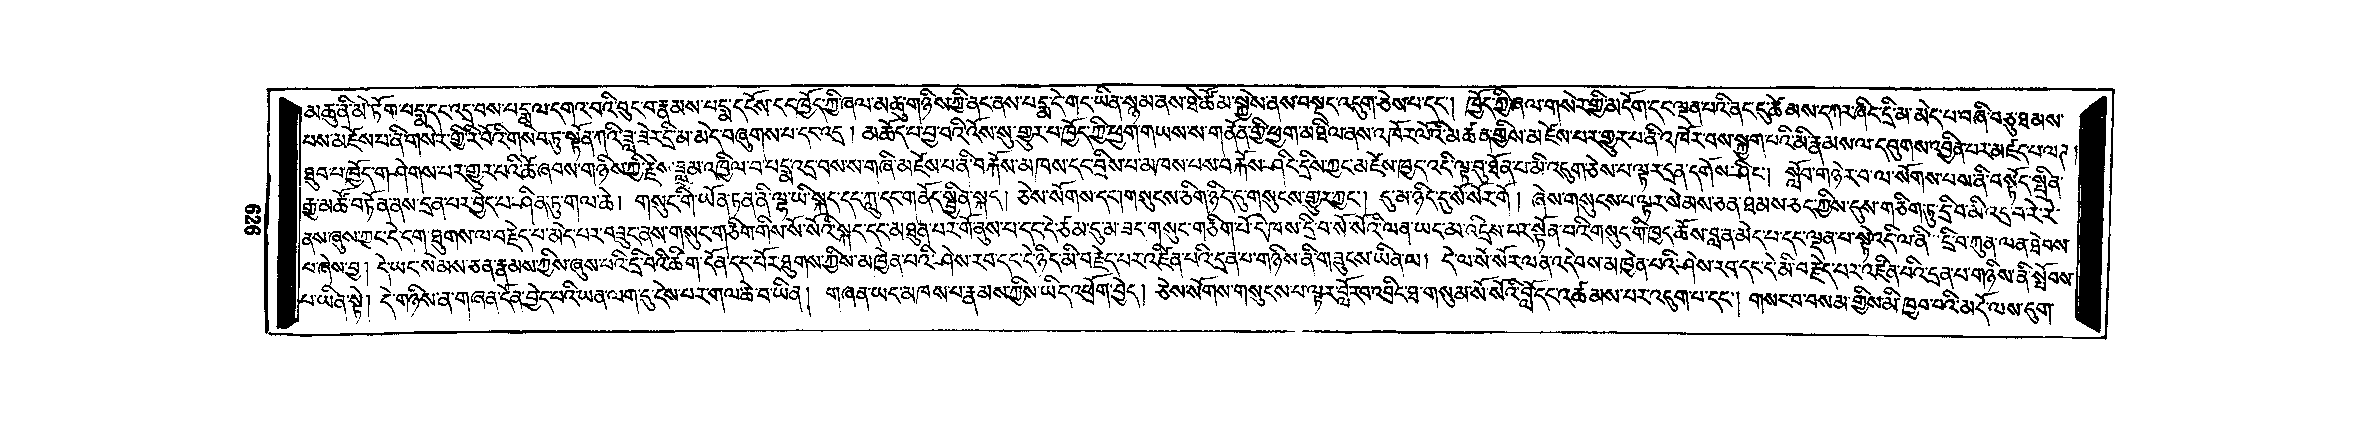མཆུ་ནི་མེ་ཏོག་པདམ་དང་འདྲ་བས་པདམ་ལ་དགའ་བའི་བུང་བ་རྣམས་པདམ་དངོས་དང་ཁྱོད་ཀྱི་ཞལ་མཆུ་གཉིས་ཀྱི་ནང་ནས་པདམ་དེ་གང་ཡིན་སྙམ་ནས་ཐེ་ཚོམ་སྐྱེས་ནས་བསྡད་འདུག་ཅེས་པ་དང་། ཁྱོད་ཀྱི་ཞལ་གསེར་གྱི་མདོག་དང་ལྡན་པའི་ནང་དུ་ཚེམས་དཀར་ཞིང་དྲི་མ་མེད་པ་བཞི་བཅུ་ཐམས་
པས་མཛེས་པ་ནི་གསེར་གྱི་རི་བོའི་གསེབ་ཏུ་སྟོན་ཀའི་ཟླ་ཟེར་དྲི་མ་མེད་བཞུགས་པ་དང་འདྲ། མཆོད་པ་བྱ་བའི་འོས་སུ་གྱུར་པ་ཁྱོད་ཀྱི་ཕྱག་གཡས་ས་གནོན་གྱི་ཕྱག་མཐིལ་ནས་འཁོར་ལོའི་མཚན་གྱིས་མཛེས་པར་གྱུར་པ་ནི་འཁོར་བས་སྐྱག་པའི་མི་རྣམས་ལ་དབུགས་འབྱིན་པར་མཛད་པ་ལགས།
ཐུབ་པ་ཁྱོད་གཤེགས་པར་གྱུར་པའི་ཚེ་ཞབས་གཉིས་ཀྱི་རྗེས་ཟླུམ་འཁྱིལ་བ་པདམ་འདྲ་བས་ས་གཞི་མཛེས་པ་ནི་བརྐོས་མཁས་དང་བྲིས་པ་མཁས་པས་བརྐོས་ཤིང་དྲིས་ཀྱང་མཛེས་ཁྱད་འདི་ལྟ་བུ་ཐོན་པ་མི་འདུག་ཅེས་པ་ལྟར་དྲན་དགོས་ཤིང་། སློབ་གཉེར་བ་ལ་སོགས་པས་ནི་བསྟོད་སྤྲིན་
རྒྱ་མཚོ་བཏོན་ནས་དྲན་པར་བྱེད་པ་ཤིན་ཏུ་གལ་ཆེ། གསུང་གི་ཡོན་ཏན་ནི་ལྷ་ཡི་སྐད་དང་ཀླུ་དང་གནོད་སྦྱིན་སྐད། ཅེས་སོགས་དང་། གསུངས་ཅིག་ཉིད་དུ་གསུངས་གྱུར་ཀྱང་། དུ་མ་ཉིད་དུ་སོ་སོར་གོ །ཞེས་གསུངས་པ་ལྟར་སེམས་ཅན་ཐམས་ཅད་ཀྱིས་དུས་གཅིག་ཏུ་དྲི་བ་མི་འདྲ་བ་རེ་རེ་
ནས་ཞུས་ཀྱང་དེ་དག་ཐུགས་ལ་བརྗེད་པ་མེད་པར་བཟུང་ནས་གསུང་གཅིག་གིས་སོ་སོའི་སྐད་དང་མཐུན་པར་གོ་ནུས་པ་དང་དེ་ཙམ་དུ་མ་ཟད་གསུང་གཅིག་པོ་དེ་ཁས་དྲི་བ་སོ་སོའི་ལན་ཡང་མ་འདྲིས་པར་སྟོན་པའི་གསུང་གི་ཁྱད་ཆོས་བླ་ན་མེད་པ་དང་ལྡན་པ་སྟེ་འདི་ལ་ནི་དྲི་བ་ཀུན་ལན་ཐེབས་
པ་ཞེས་བྱ། དེ་ཡང་སེམས་ཅན་རྣམས་ཀྱིས་ཞུས་པའི་དྲི་བའི་ཚིག་དོན་དང་པོར་ཐུགས་ཀྱིས་མཁྱེན་པའི་ཤེས་རབ་དང་དེ་ཉིད་མི་བརྗེད་པར་འཛིན་པའི་དྲན་པ་གཉིས་ནི་གཟུངས་ཡིན་ལ། དེ་ལ་སོ་སོར་ལན་འདེབས་མཁྱེན་པའི་ཤེས་རབ་དང་དེ་མི་བརྗེད་པར་འཛིན་པའི་དྲན་པ་གཉིས་ནི་སྤོབས་
པ་ཡིན་སྟེ། དེ་གཉིས་ན་གཞན་དོན་བྱེད་པའི་ཡན་ལག་དུ་ངེས་པར་གལ་ཆེ་བ་ཡིན། གཞན་ཡང་མཁས་པ་རྣམས་ཀྱིས་ཡིད་འཕྲོག་བྱེད། ཅེས་སོགས་གསུངས་པ་ལྟར་བློ་རབ་འབྲིང་ཐ་གསུམ་སོ་སོའི་བློ་དང་འཚམས་པར་འདུག་པ་དང་། གསང་བ་བསམ་གྱིས་མི་ཁྱབ་པའི་མདོ་ལས་དུག་